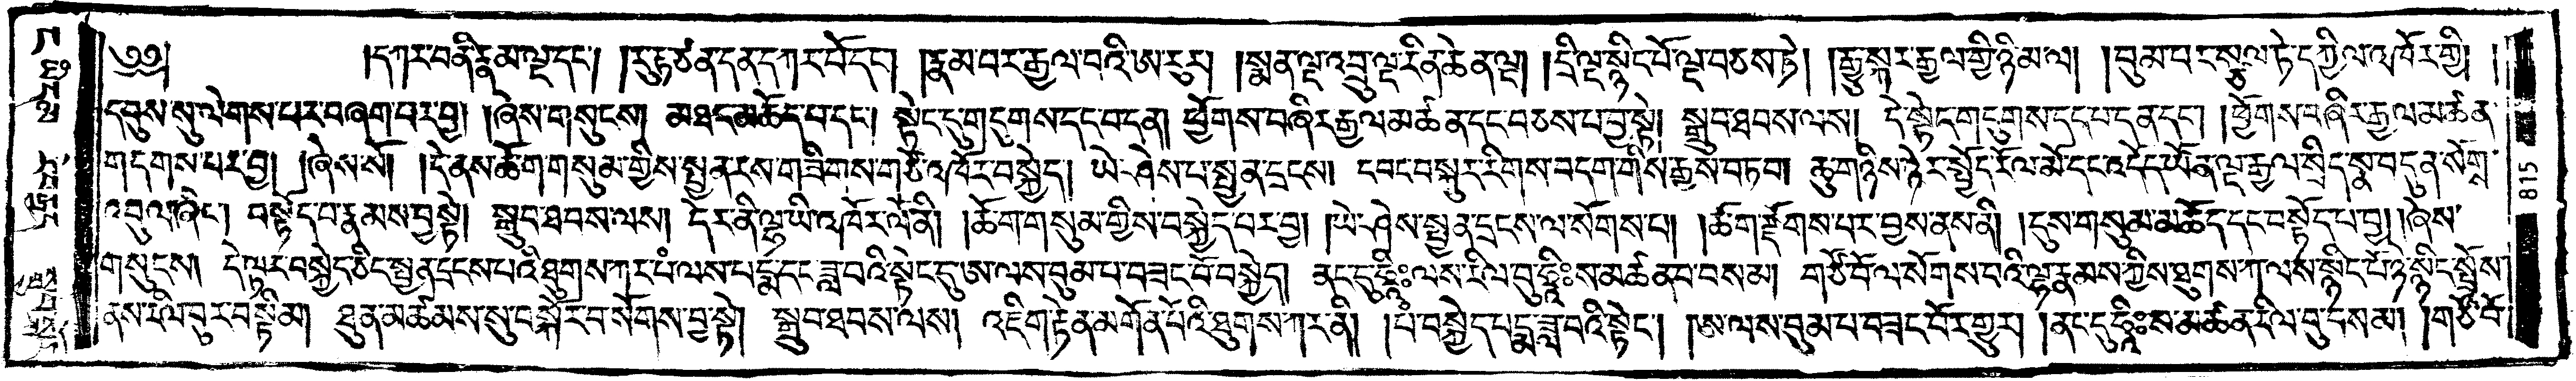༄༅། །དཀར་བ་ནི་རྣམ་ལྔ་དང་། །རུ་རྟ་ཙན་དན་དཀར་པོ་དང་། །རྣམ་པར་རྒྱལ་བའི་ཨ་རུར། །སྨན་ལྔ་འབྲུ་ལྔ་རིན་ཆེན་ལྔ། །དྲི་ལྔ་སྙིང་པོ་ལྔ་བཅས་ཏེ། །རྒྱུ་སྐར་རྒྱལ་གྱི་ཉི་མ་ལ། །བུམ་པར་སྩལ་ཏེ་དཀྱིལ་འཁོར་གྱི། །
དབུས་སུ་ལེགས་པར་བཞག་པར་བྱ། །ཞེས་གསུངས། མཐང་མཆོད་པ་དང་། སྟེང་དུ་གདུགས་དང་བདན། ཕྱོགས་བཞིར་རྒྱལ་མཚན་དང་བཅས་པ་བྱ་སྟེ། སྒྲུབ་ཐབས་ལས། དེ་སྟེང་གདུགས་དང་པ་དན་དང་། །ཕྱོགས་བཞིར་རྒྱལ་མཚན་
གདགས་པར་བྱ། །ཞེས་སོ། །དེ་ནས་ཆོག་གསུམ་གྱིས་སྤྱན་རས་གཟིགས་གཙོ་འཁོར་བསྐྱེད། ཡེ་ཤེས་པ་སྤྱན་དྲངས། དབང་བསྐུར་རིགས་བདག་གིས་རྒྱས་བཏབ། ཆུ་གཉིས་ཉེར་སྤྱོད་རོལ་མོ་དང་འདོད་ཡོན་ལྔ་རྒྱལ་སྲིད་སྣ་བདུན་སོགས་
འབུལ་ཞིང་། བསྟོད་པ་རྣམས་བྱ་སྟེ། སྒྲུབ་ཐབས་ལས། དེར་ནི་ལྷ་ཡི་འཁོར་ལ་ནི། །ཆོག་གསུམ་གྱིས་བསྐྱེད་པར་བྱ། །ཡེ་ཤེས་སྤྱན་དྲངས་ལ་སོགས་པ། །ཚ་ག་རྫོགས་པར་བྱས་ནས་ནི། །དུས་གསུམ་མཆོད་དང་བསྟོད་པ་བྱ། །ཞེས་
གསུངས། དེ་ལྟར་བསྐྱེད་ཅིང་སྤྱན་དྲངས་པའི་ཐུགས་ཀར་པཾ་ལས་པདམ་དང་ཟླ་བའི་སྟེང་དུ་ཨ་ལས་བུམ་པ་བཟང་པོ་བསྐྱེད། ནང་དུ་ཧྲཱུཨིཿ ལས་རིལ་བུ་ཧྲཱིཿ ས་མཚན་པ་བསམ། གཙོ་བོ་ལ་སོགས་པའི་ལྷ་རྣམས་ཀྱིས་ཐུགས་ཀ་ལས་སྙིང་པོ་ཉི་སྙིང་སྤྲོས་
ནས་རིལ་བུར་བསྟི་མ། ཐུན་མཚམས་སུ་བསྐོར་བ་སོགས་བྱ་སྟེ། སྒྲུབ་ཐབས་ལས། འཇིག་རྟེན་མགོན་པོའི་ཐུགས་ཀར་ནི། །པཾ་བསྐྱེད་པདམ་ཟླ་བའི་སྟེང་། །ཨ་ལས་བུམ་པ་བཟང་པོར་གྱུར། །ནང་དུ་ཧྲཱིཿ ས་མཚན་རིལ་བུ་དས་མ། །གཙོ་བོ་